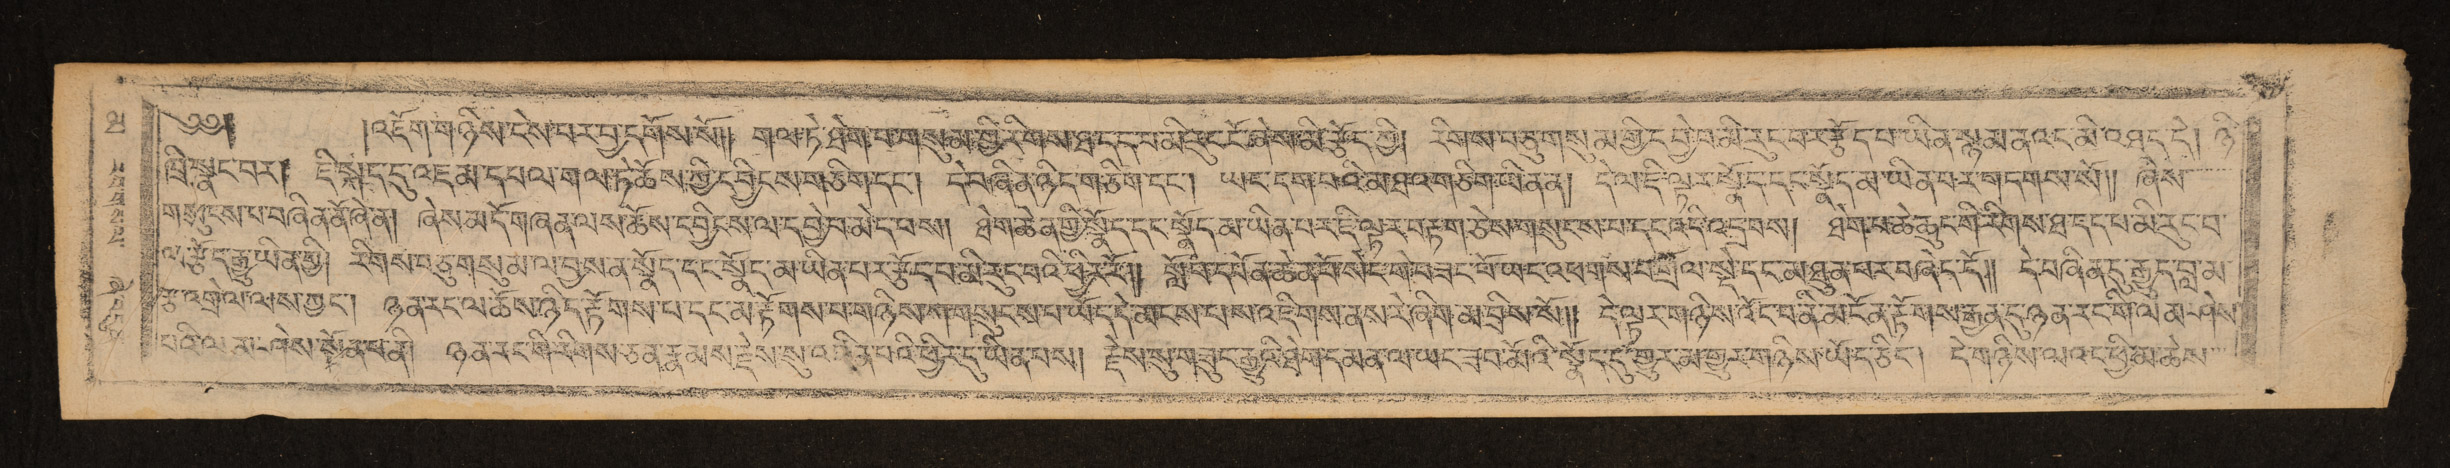༄༅། །འཇོག་གཉིས་ངེས་པར་བྱ་དགོས་སོ།། གལ་ཏེ་ཐེག་པ་གསུམ་གྱི་རིགས་ཐ་དད་པ་མི་རུང་ངོ་ཞེས་མི་རྩོད་ཀྱི། རིགས་བཅུ་གསུམ་གྱི་དབྱེ་བ་མི་རུང་བར་རྩོད་པ་ཡིན་སྙམ་ནའང་མི་འཐད་དེ། ཉི་
ཁྲི་སྣང་བར། ཇི་སྐད་དུ་འཇམ་དཔལ་གལ་ཏེ་ཆོས་ཀྱི་དབྱིངས་གཅིག་དང་། དེ་བཞིན་ཉིད་གཅིག་དང་། ཡང་དག་པའི་མཐའ་གཅིག་ཡིན་ན། དེ་ལ་ཇི་ལྟར་སྣོད་དང་སྣོད་མ་ཡིན་པར་གདགས་སོ།། ཞེས་
གསུངས་པ་བཞིན་ནོ་ཞེ་ན། ཞེས་མདོ་གཞན་ལས་ཆོས་དབྱིངས་ལ་དབྱེ་བ་མེད་པས། ཐེག་ཆེན་གྱི་སྣོད་དང་སྣོད་མ་ཡིན་པར་ཇི་ལྟར་བརྟག་ཅེས་གསུངས་པ་དང་འདི་འདྲ་བས། ཐེག་པ་ཆེ་ཆུང་གི་རིགས་ཐ་དད་པ་མི་རུང་བ་
ལ་རྩོད་རྒྱུ་ཡིན་གྱི། རིགས་བཅུ་གསུམ་ལ་བྱས་ན་སྣོད་དང་སྣོད་མ་ཡིན་པར་རྩོད་པ་མི་རུང་བའི་ཕྱིར་རོ།། སློབ་དཔོན་ཆེན་པོ་སེང་གེ་བཟང་པོ་ཡང་འཕགས་པ་གྲོལ་སྡེ་དང་མཐུན་པར་བཞེད་དོ།། དེ་བཞིན་དུ་རྒྱུད་བླ་མ་
རྩ་འགྲེལ་ལས་ཀྱང་། ཉན་རང་ལ་ཆོས་ཉིད་རྟོགས་པ་དང་མ་རྟོགས་པ་གཉིས་ཀ་གསུངས་པ་ཡོད་དེ་མངས་པས་འཇིགས་ནས་རེ་ཞིག་མ་བྲིས་སོ།། དེ་ལྟར་གཉིས་འོང་བ་ནི་མངོན་རྟོགས་རྒྱན་དུ་ཉན་རང་གི་ལམ་ཤེས་
པའི་ལམ་ཤེས་སྟོན་པ་ནི། ཉན་རང་གི་རིགས་ཅན་རྣམས་རྗེས་སུ་འཛིན་པའི་ཕྱིར་དུ་ཡིན་པས། རྗེས་སུ་གཟུང་རྒྱུའི་ཐེག་དམན་ལ་ཡང་ཟབ་མོའི་སྣོད་དུ་གྱུར་མ་གྱུར་གཉིས་ཡོད་ཅིང་། དེ་གཉིས་ལའང་ཕྱི་མ་ཆེས་